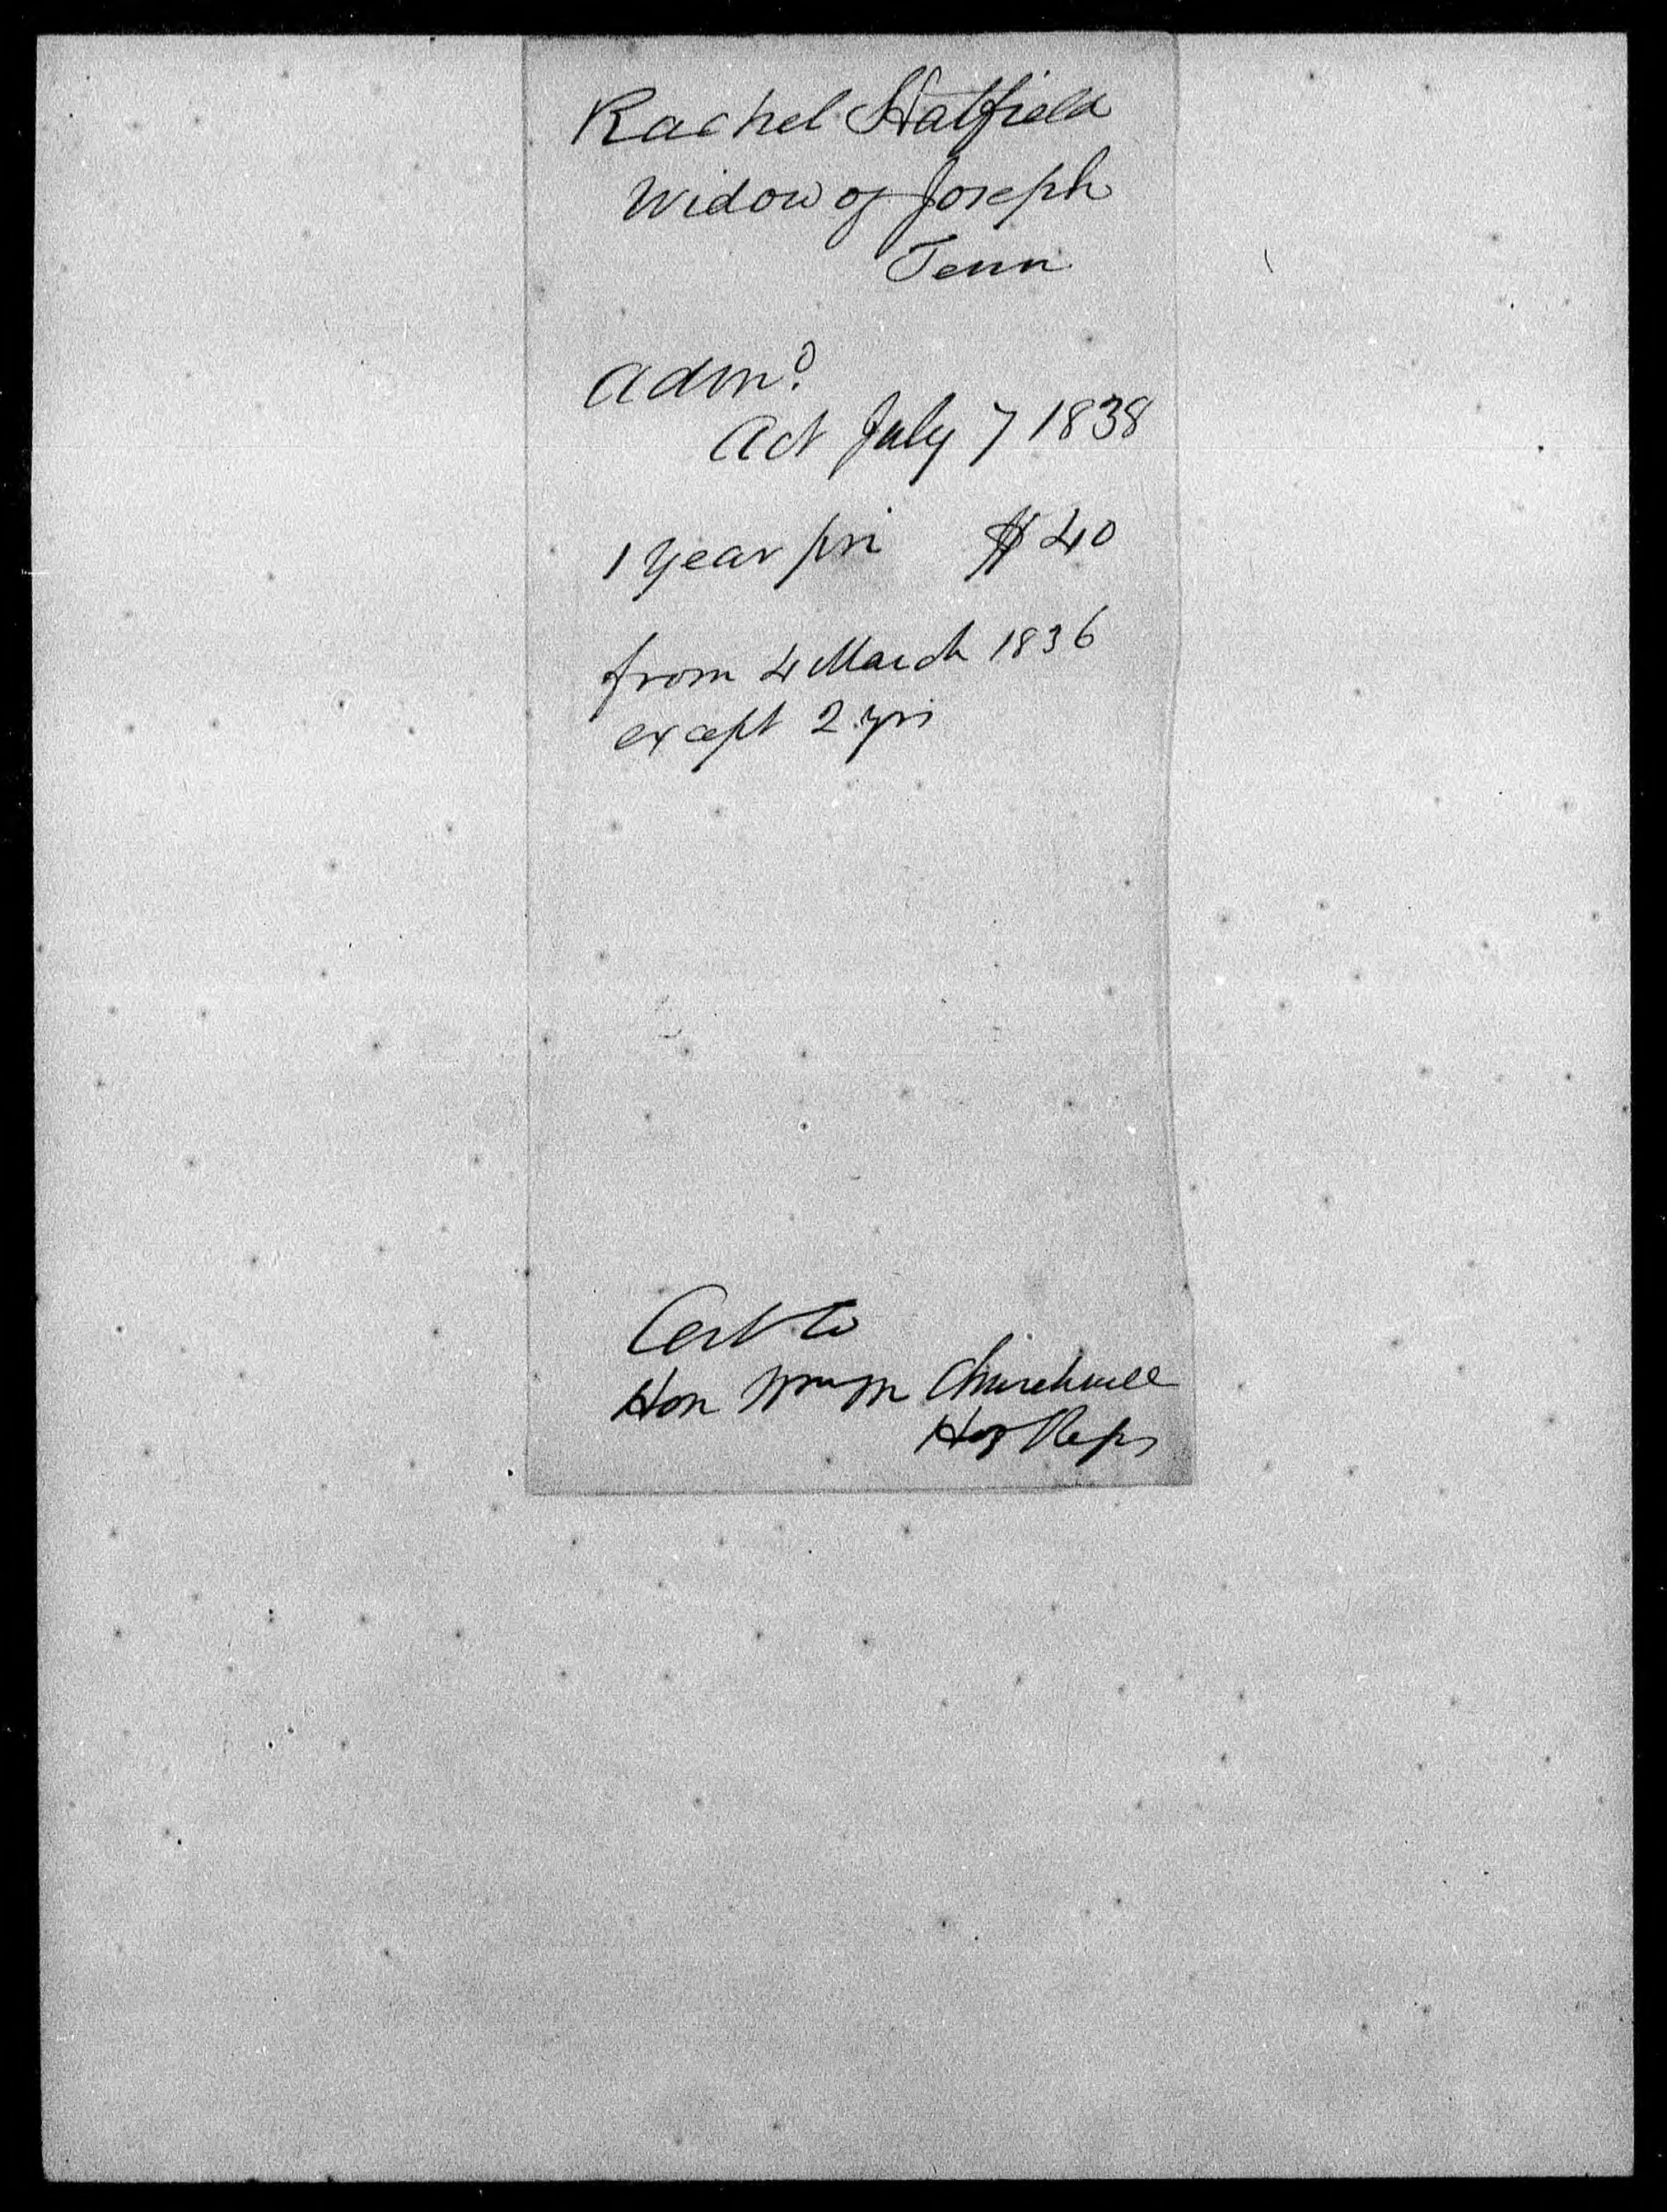Rachel Hatfield
Widow of Joseph
Tenn
Admd.
Act July 7 1838
1 year pri $40
from 4 March 1836
except 2 yrs

Cert to
Hon Wm M Churchwell
H of Reps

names: Rachel Hatfield, Joseph Hatfield, Wm M Churchwell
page: 54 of 74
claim: widow's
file: W. 5, Joseph Hatfield, Va.